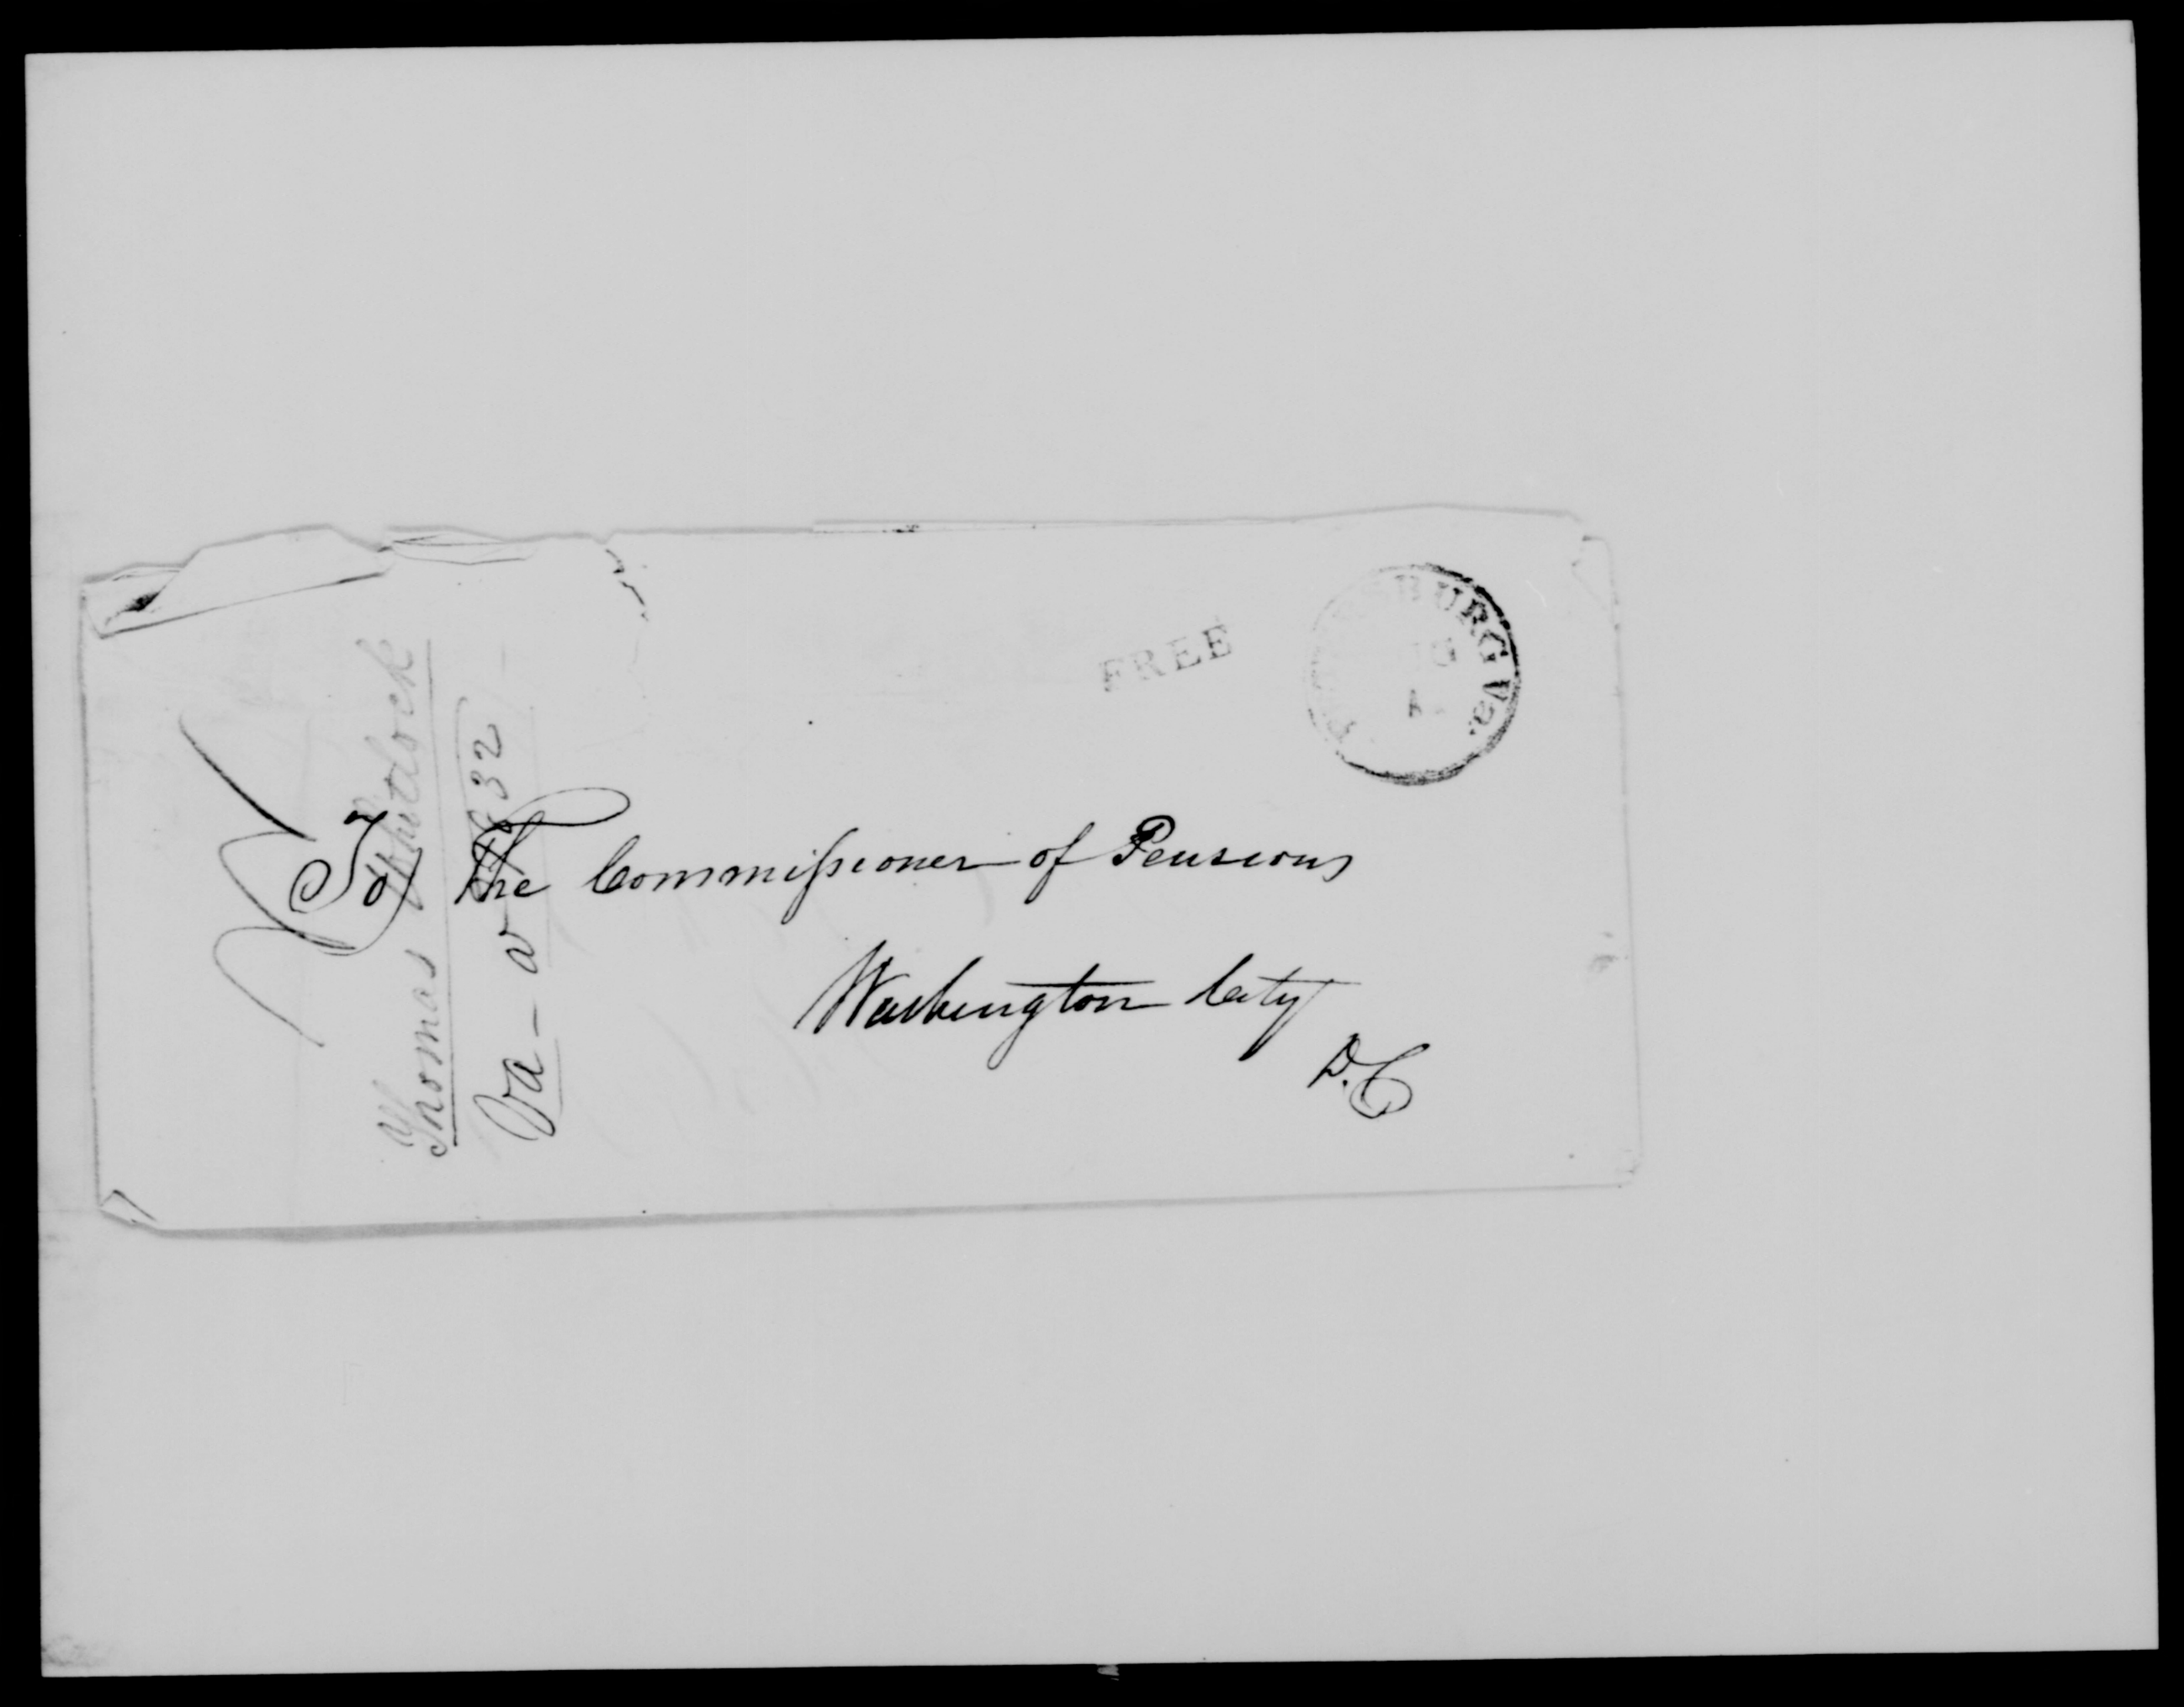Petersburg, Va [postage stamp]
Free

To the Commissioner of Pensions
Washington City 
D.C.

Thomas Whitlock [written sideways]
Va -  1832 [written sideways]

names: Thomas Whitlock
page: 17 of 32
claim: survivor's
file: S. 16020, Thomas Whitlock, Va.